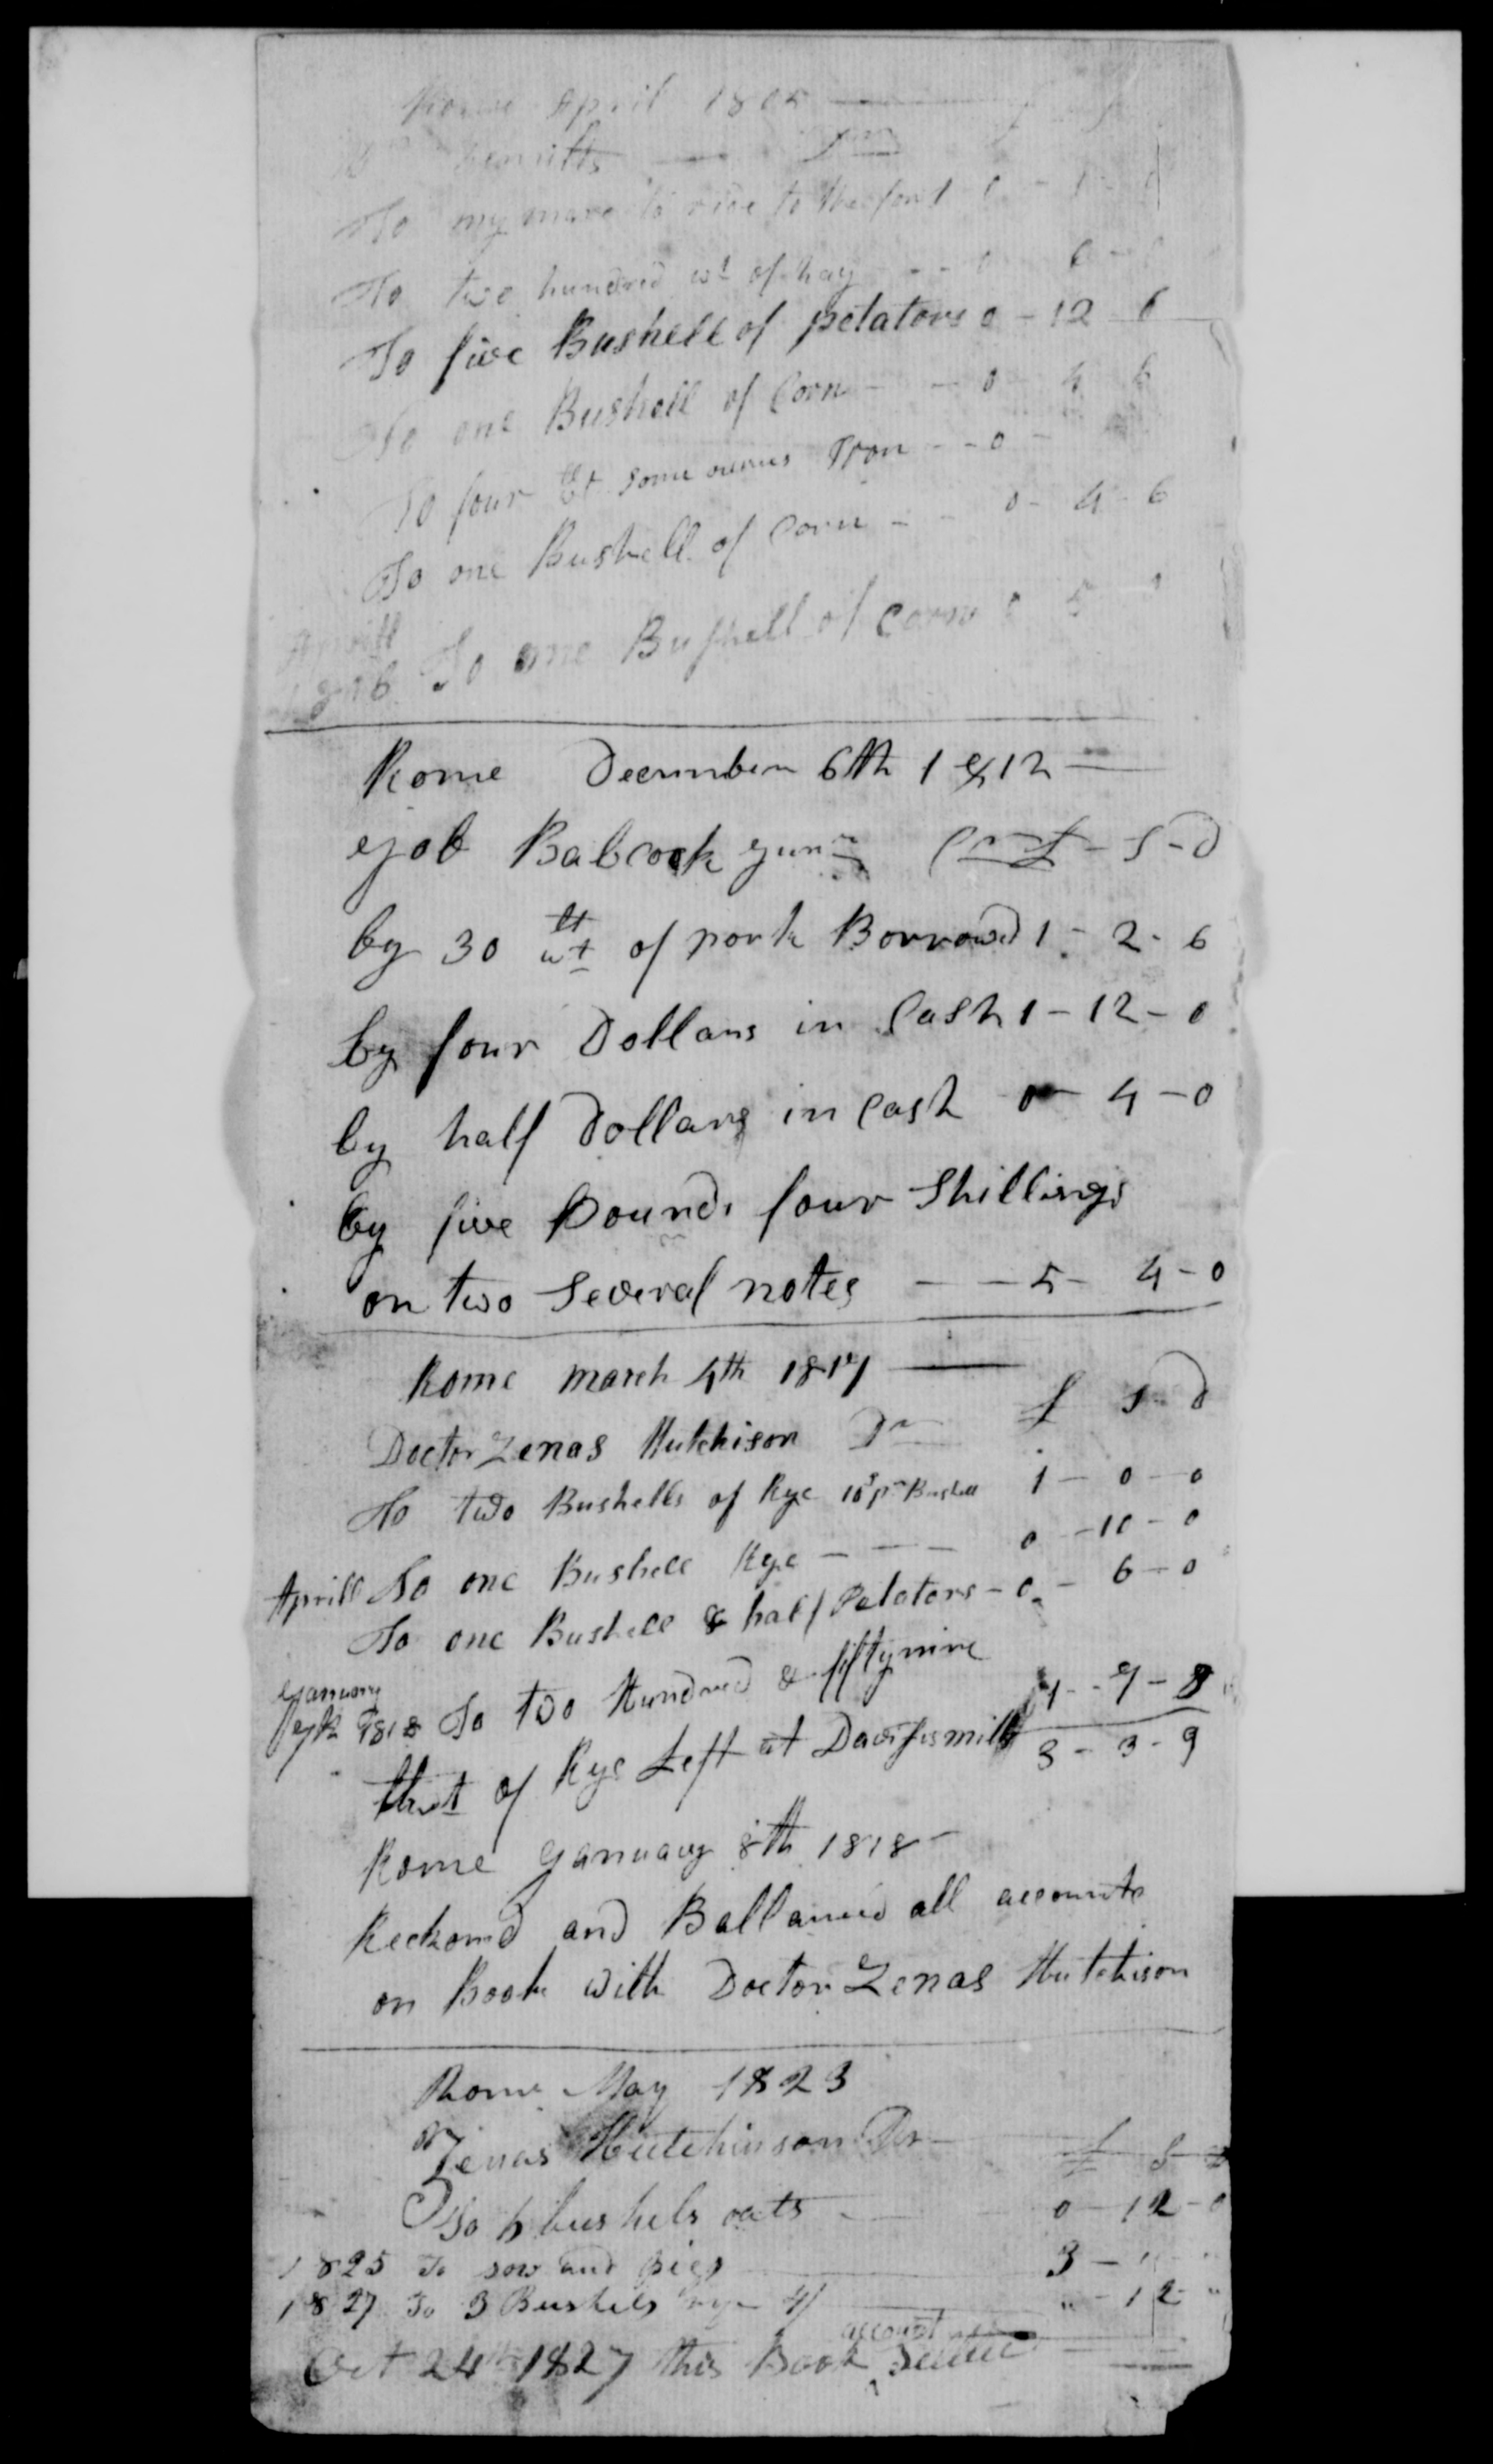From April 1815
permitts (illegible)
To my mare to (illegible) to the (illegible)
To two hundred wt of hay (illegible)
To five bushels of potatoes 0 - 12 - 6
To one bushell of Corn 0 - (illegible)
To four lb wt some (illegible)
To one bushell of Corn 0 - 4 - 6
To one Bushell of corn 0 - 5 - 1

Rome December 6th 1812
(illegible) Babcock gun  (illegible)
by 30 lb wt of Pork Borrowed 1 - 2 - 6
by four Dollars in Cash 1 - 12 - 1
by half Dollars in Cash  1 - 4 - 0
by five pounds four Shillings
on two several notes -- 5 - 4 - 0

Rome March 4th 18(illegible)
Doctor Zenas Hutchison (illegible)
To two bushells of Rye (illegible) 1 - 0 - 0
April to one bushell Rye  0 - 10 - 0
To one bushell & half potatoes  0 - 6 - 0
January (illegible) 18k18 To two hundred & fifty nine
that of Rye left at Davis mill 1 - 7 - 8
3 - 3 - 9
Rome January 8th 1818
Richard and Ballames all accounts on Book with Doctor Zenas Hutchison

Rome May 1823
Zenas Hutchinson
To 6 bushels oats  0 - 12 - 0
1825 To sow and bier  3 - (illegible)
1827 To 3 Bushels rye (illegible)
Oct 24 1827 this Book account settle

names: Job Babcock, Zenas Hutchinson, Zenas Hutchison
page: 16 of 63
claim: widow's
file: W. 22,632, David Williams, Conn. Continental Privateer